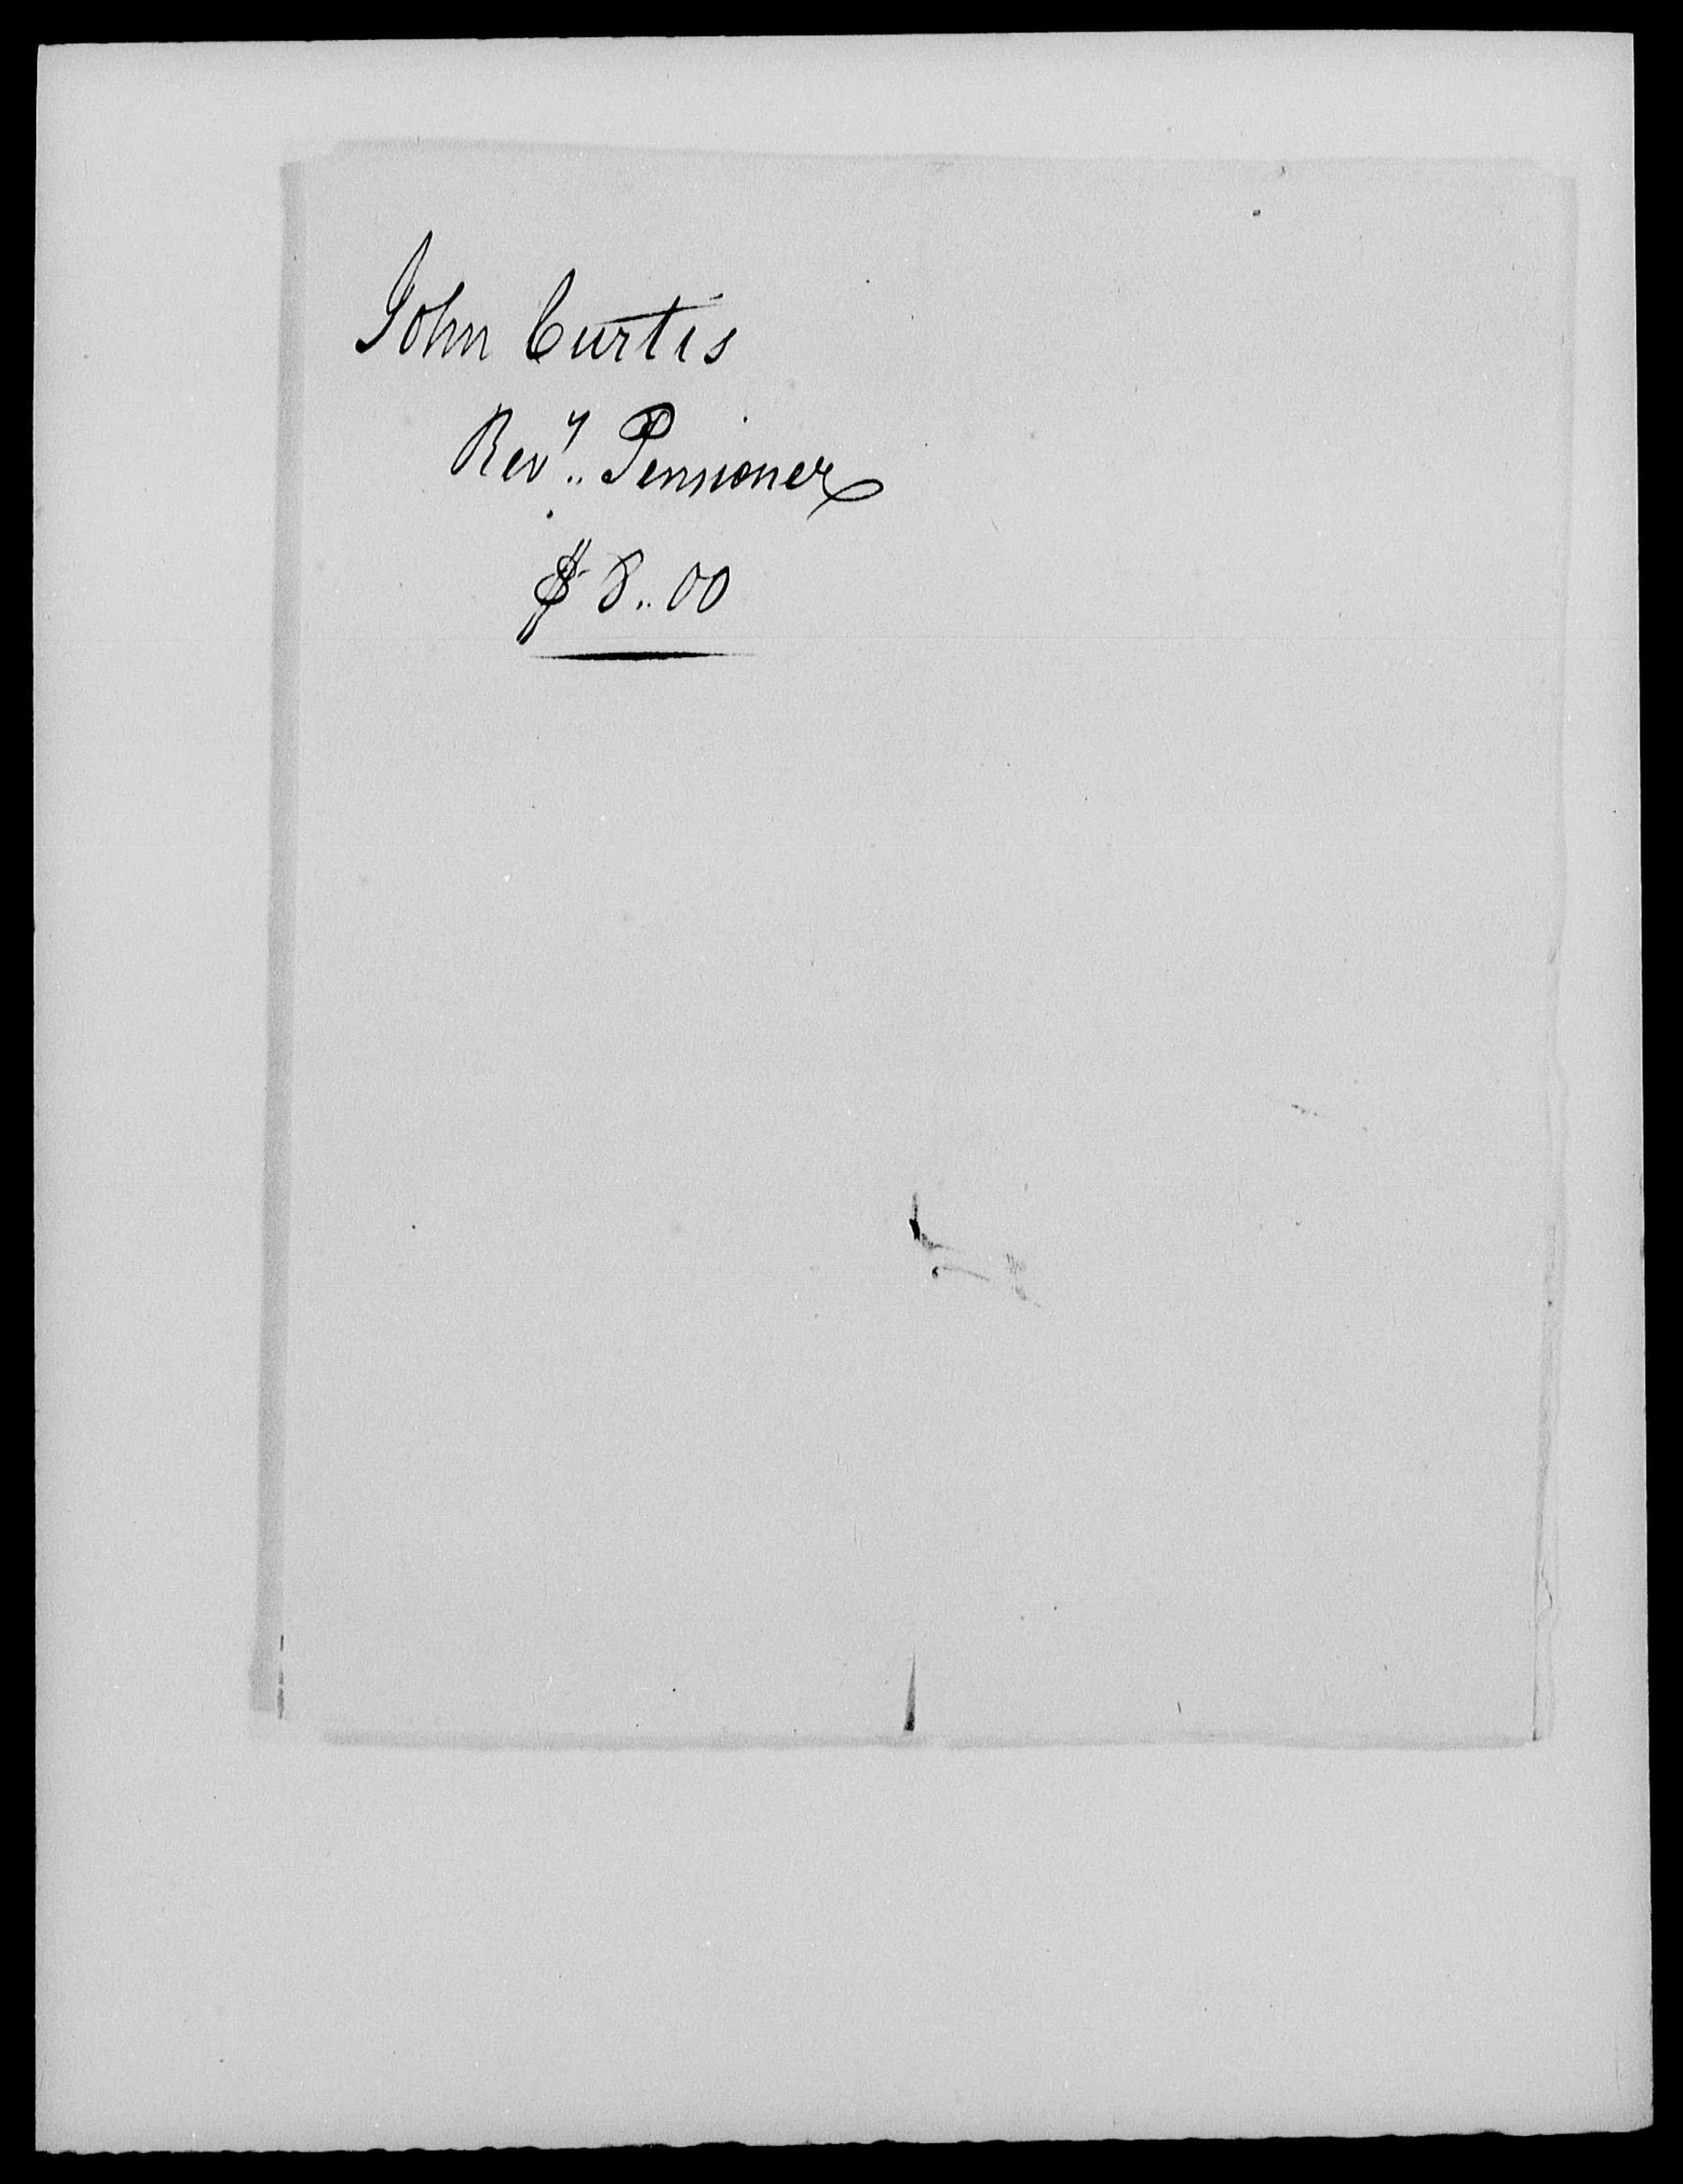John Curtis
Revy. Pensioner
$8.00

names: John Curtis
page: 13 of 26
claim: survivor's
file: S. 34,725, John Curtis, Md.